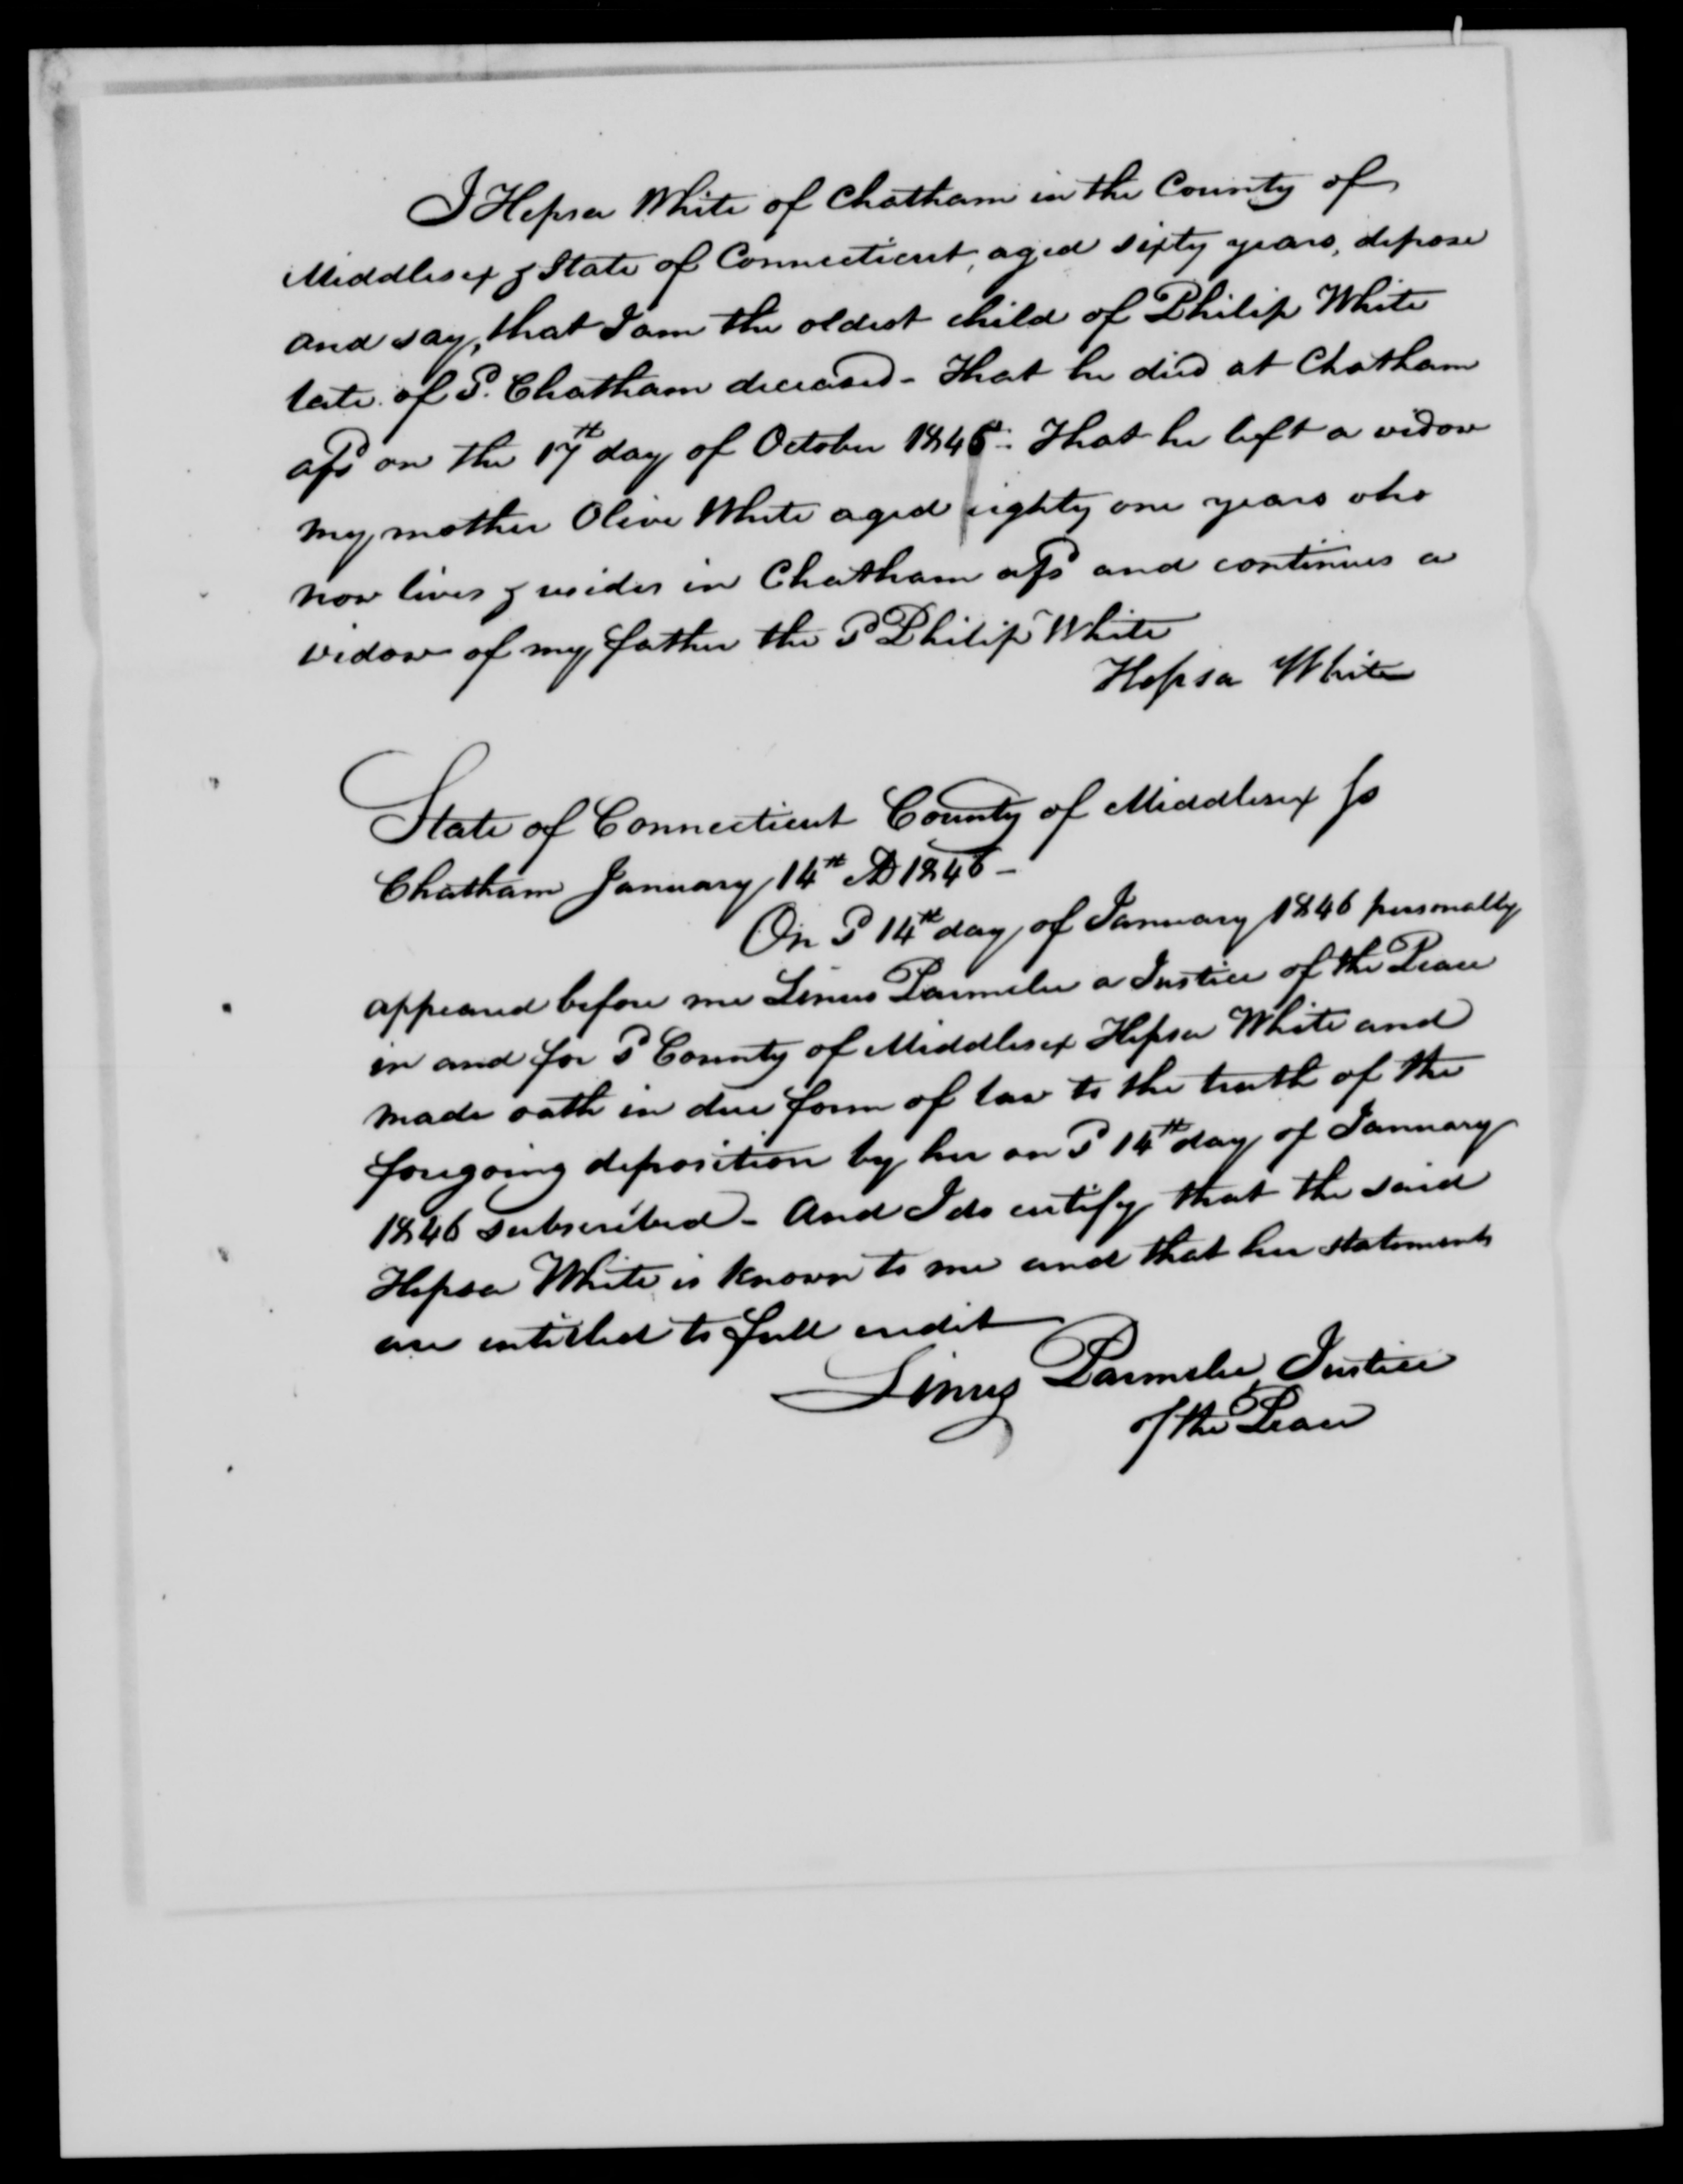I Hepsa White of Chatham in the County of
Middlesex of State of Connecticut, aged sixty years, depose
and say, that I am the oldest child of Philip White
late of S. Chatham deceased _ That he died at Chatham
afsd on the 17th day of October 1846 - That he left a widow
my mother Olive White aged eighty one years who
now lives & resides in Chatham afsd and continues a
widow of my father the sd Philip White
Hepsa White

State of Connecticut County of Middlesex Ss
Chatham January 14th AD 1846-
On sd 14th day of January 1846 personally
appeared before me Linus Parmelee a Justice of the Peace
in and for sd County of Middlesex Hepsa White and
made oath in due form of law to the truth of the
foregoing deposition by her on sd 14th day of January
1846 subscribed. And I do certify that the said
Hepsa White is known to me and that her statements
an entitled to full credit
Linus Parmelee Justice
of the Peace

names: Linus Parmelee, Olive White, Philip White, Hepsa White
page: 20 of 50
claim: widow's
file: W. 25,969, Philip White, Conn.